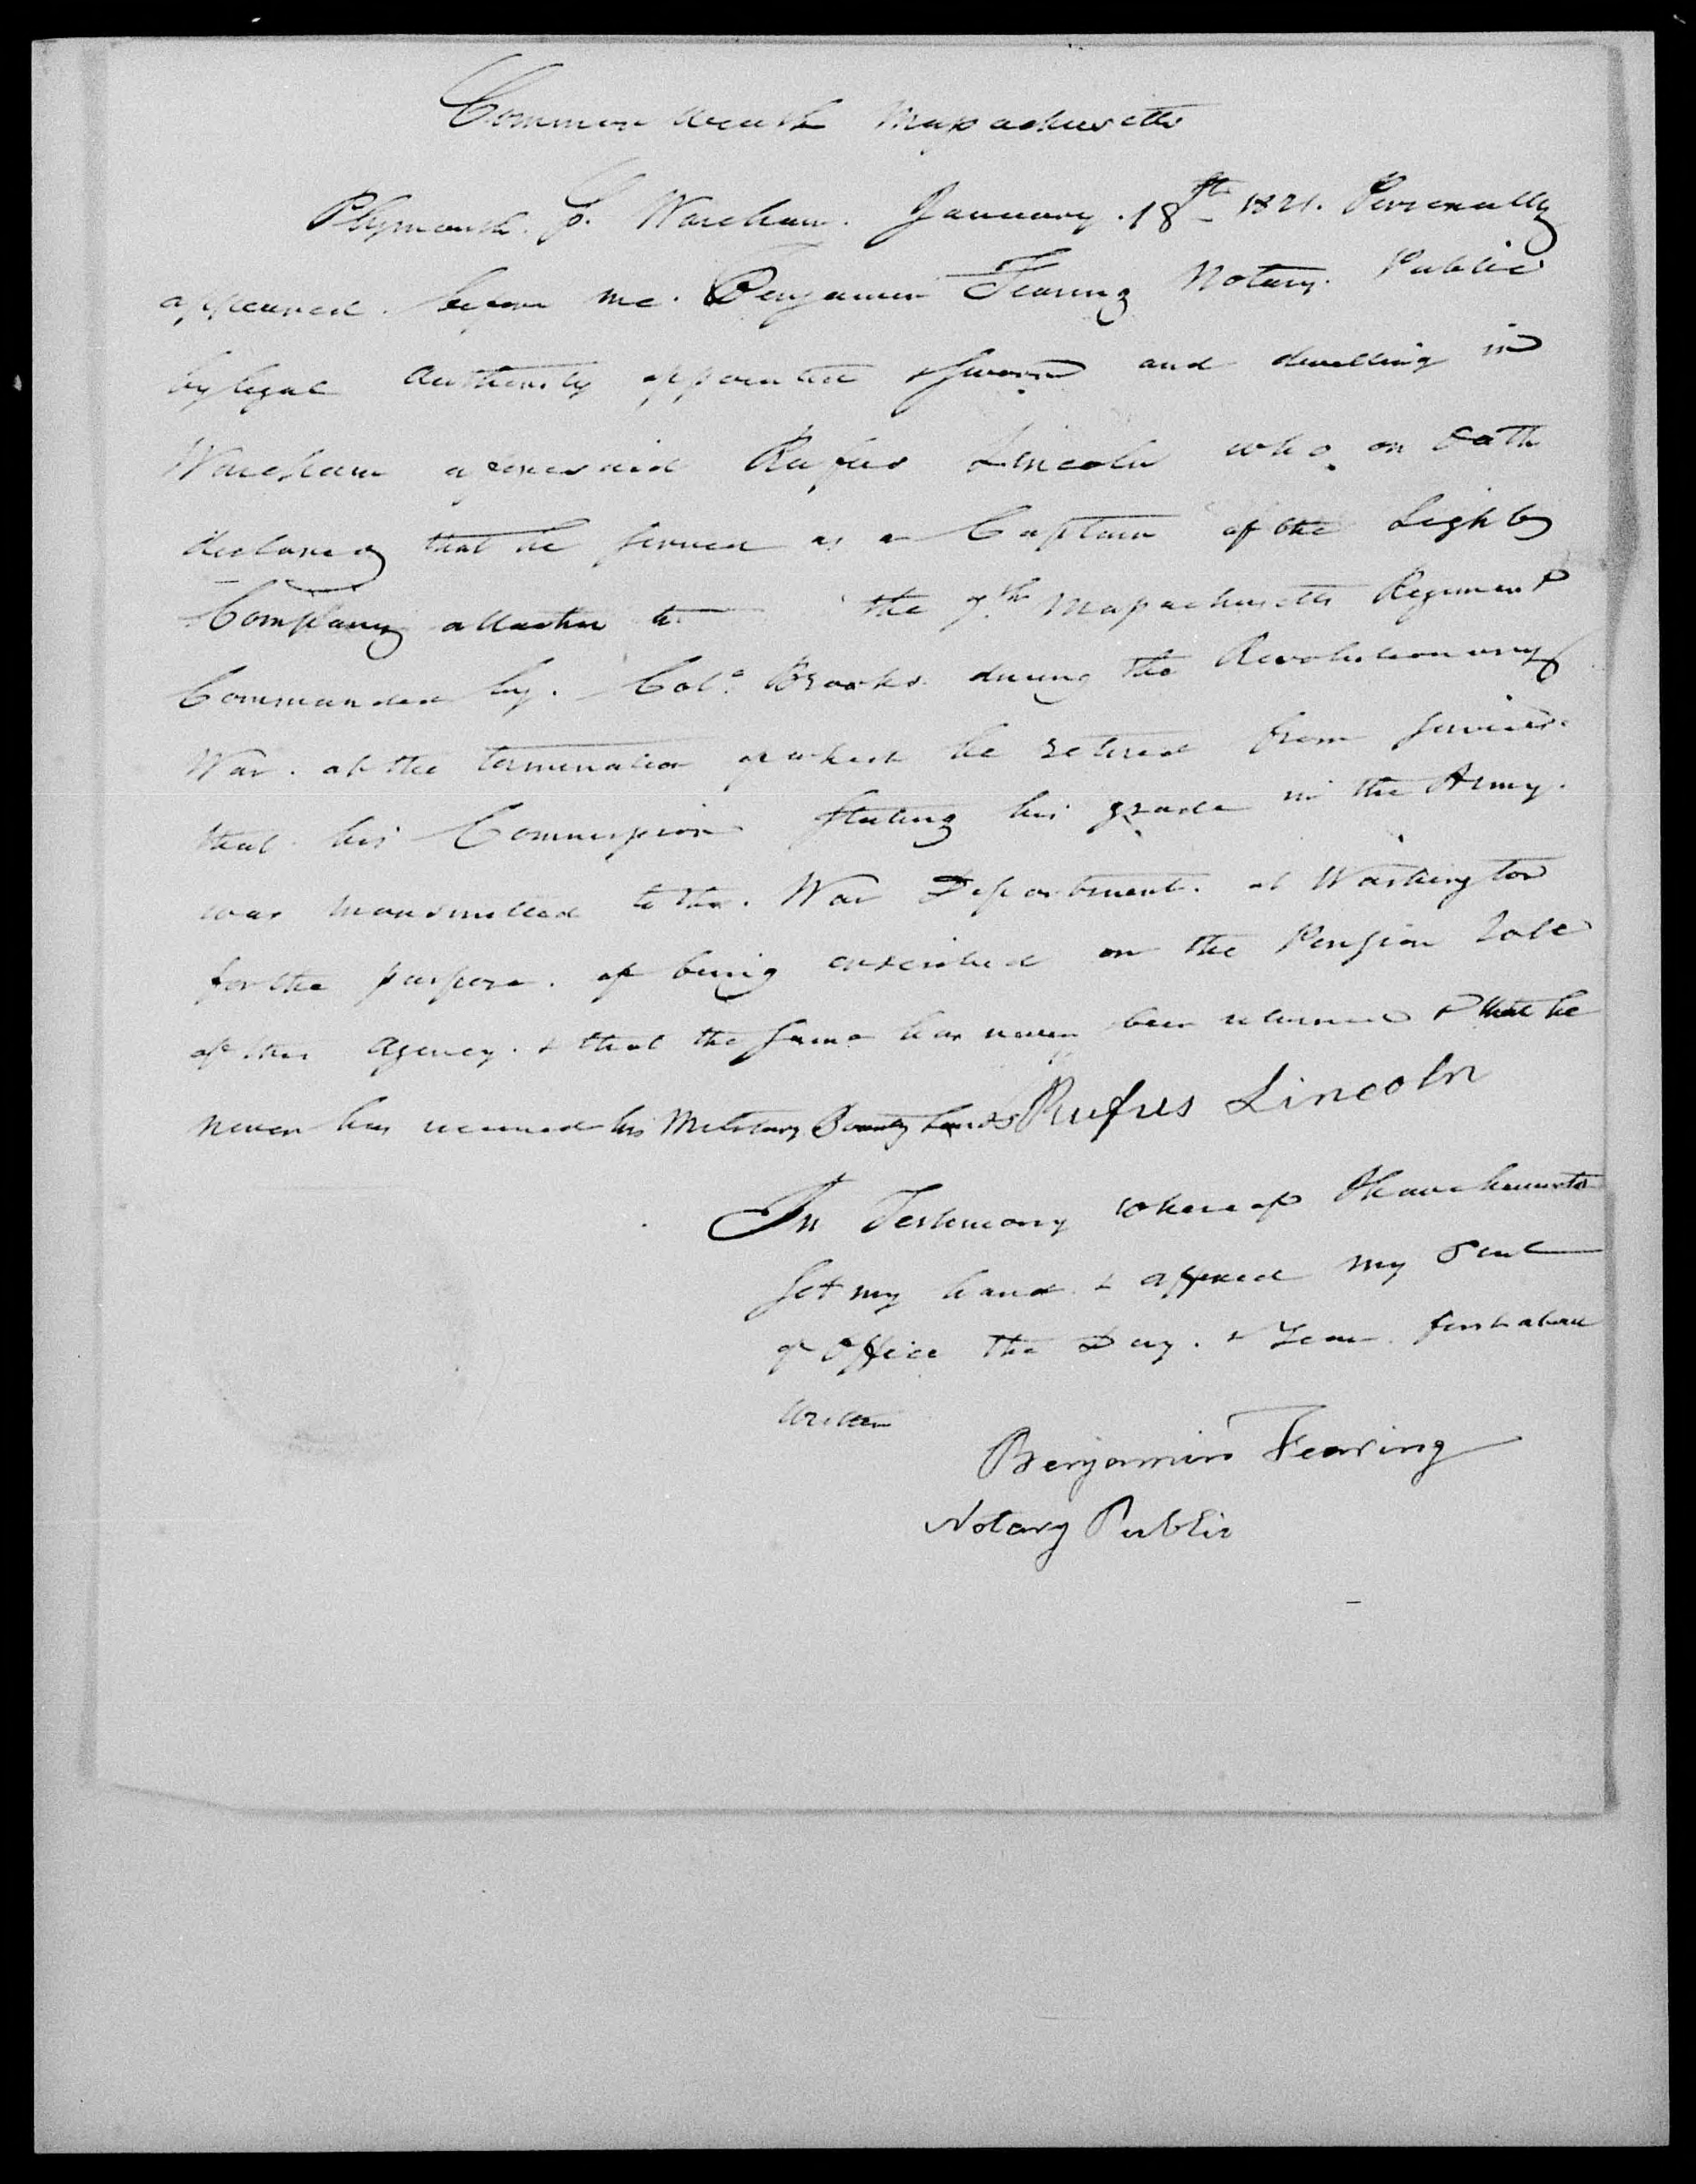Commonwealth of Massachusetts
Plymouth Co. Wareham January 18th 1821. 

Personally appeared  before me Benjamin Fearing Notary Public by legal authority appointed sworn and dwelling in Wareham aforesaid Rufus Lincoln who on Oath
declared that he served as a Captain of the Light Company attached to the 7th Massachusetts Regiment Commanded by Col Brooks during the Revolutionary War
at the termination of which he retired from service that his Commission stating his grade
in the Army was handed instead to the 
to the War Department at Washington
for the purpose of being inscribed on the Pension rolls of this Agency & that the same was never been returned to him & that he
never has received his military Bounty Land. Rufus Lincoln
In Testimony whereof have hereunto set my hand & affixed my seal of Office the day & year first above written.
Benjamin Fearing    Notary Public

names: Benjamin Fearing; Rufus Lincoln; [BLANK] Brooks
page: 27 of 82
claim: widow's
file: W. 13,634, for Rufus Lincoln, Massachusetts